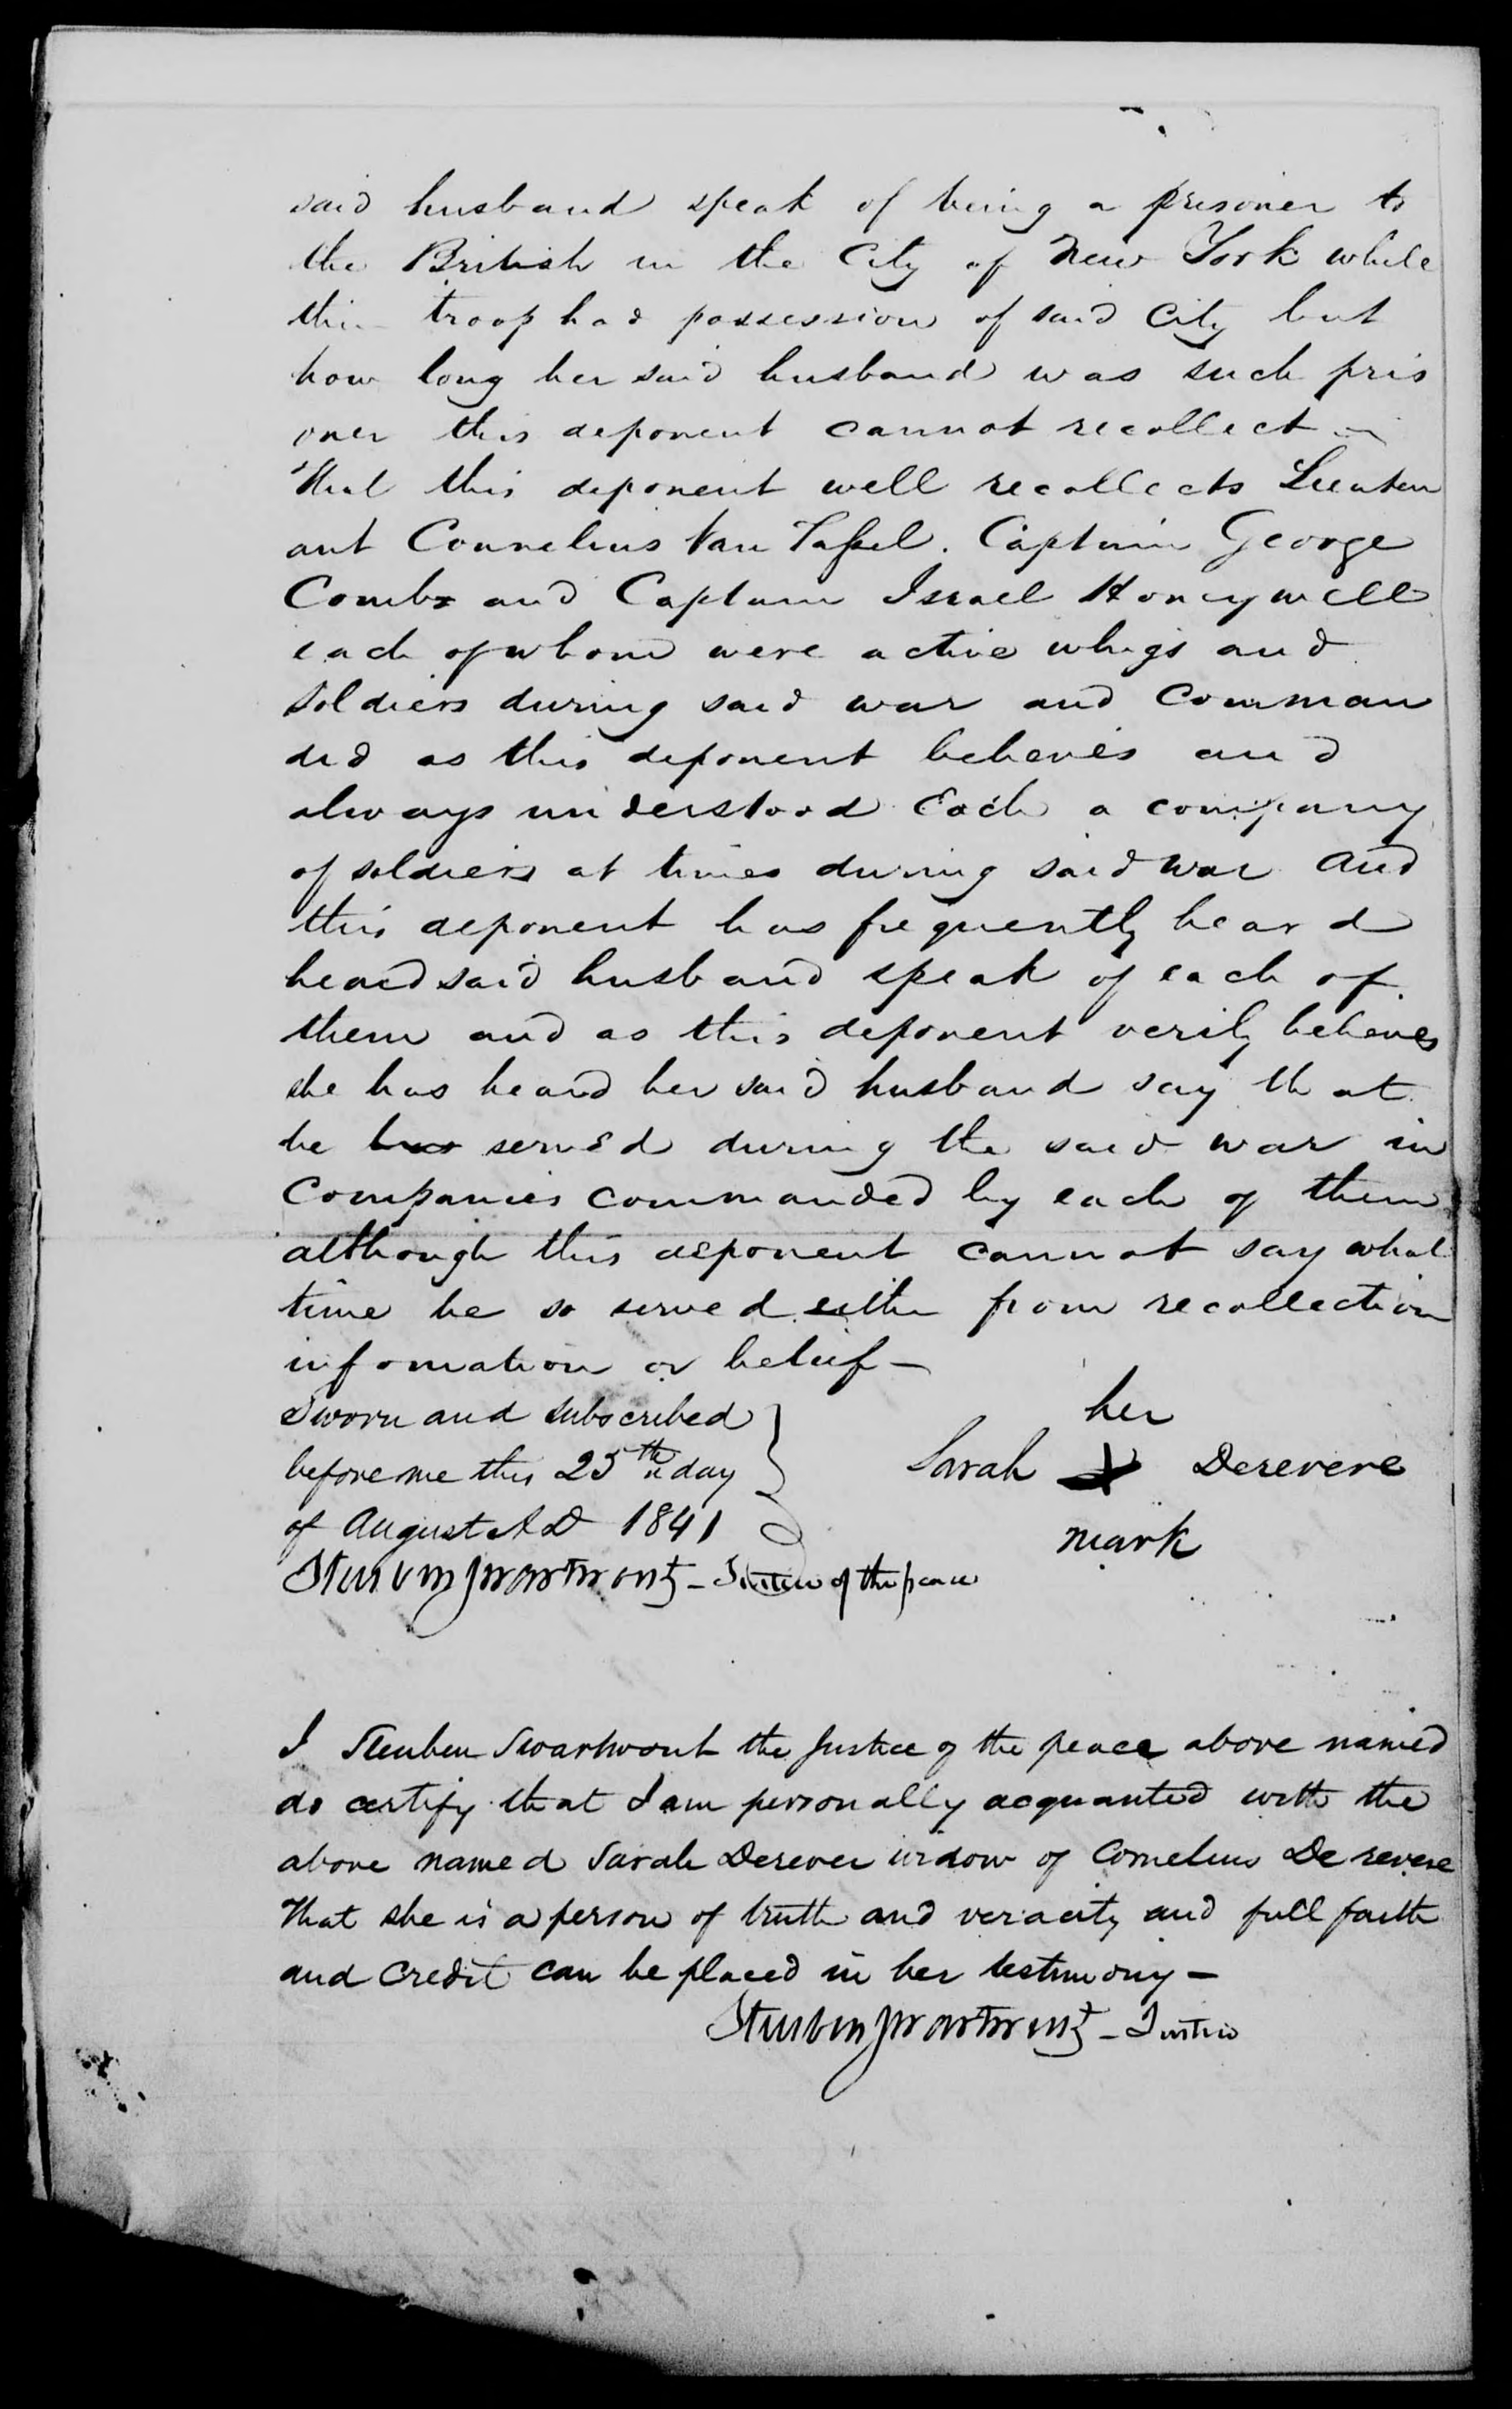said husband speak of being a prisoner to the British in the City of New York while their troop had possession of said city but how long her said husband was such prisoner this deponent cannot recollect

That this deponent well recollects Lieutenant Cornelius Van Tassel, Captain George Combs and Captain Israel Honeywell each of whom were active whigs and soldiers during said war and commanded as this deponent believes and always understood each a company of soldiers at times during said war and this deponent has frequently heard [heard] said husband speak of each of them and as this deponent verily believes she has heard her said husband say that he has served during the said war in companies commanded by each of them although this deponent cannot say what
time he so served either from recollection information or belief-

Sarah DeRevere
her X mark

Sworn and subscribed before me this 25th day of August AD 1841}
Steuben Swartwout - Justice of the peace

I Steuben Swartwout the Justice of the peace above named do certify that I am personally acquainted above named Sarah DeRevere widow of Cornelius DeRevere

That she is a person of truth and veracity and
and full faith and credit can be placed in her testimony-
Steuben Swartwout - Justice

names: Steuben Swartwout, Cornelius Van Tassel, Steuben Swartwout, Sarah Derevere, Steuben Swartwout, George Combs, Sarah Derevere, Israel Honeywell, Cornelius De Revere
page: 30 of 40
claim: widow's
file: W. 24057, Cornelius De Revere, New York